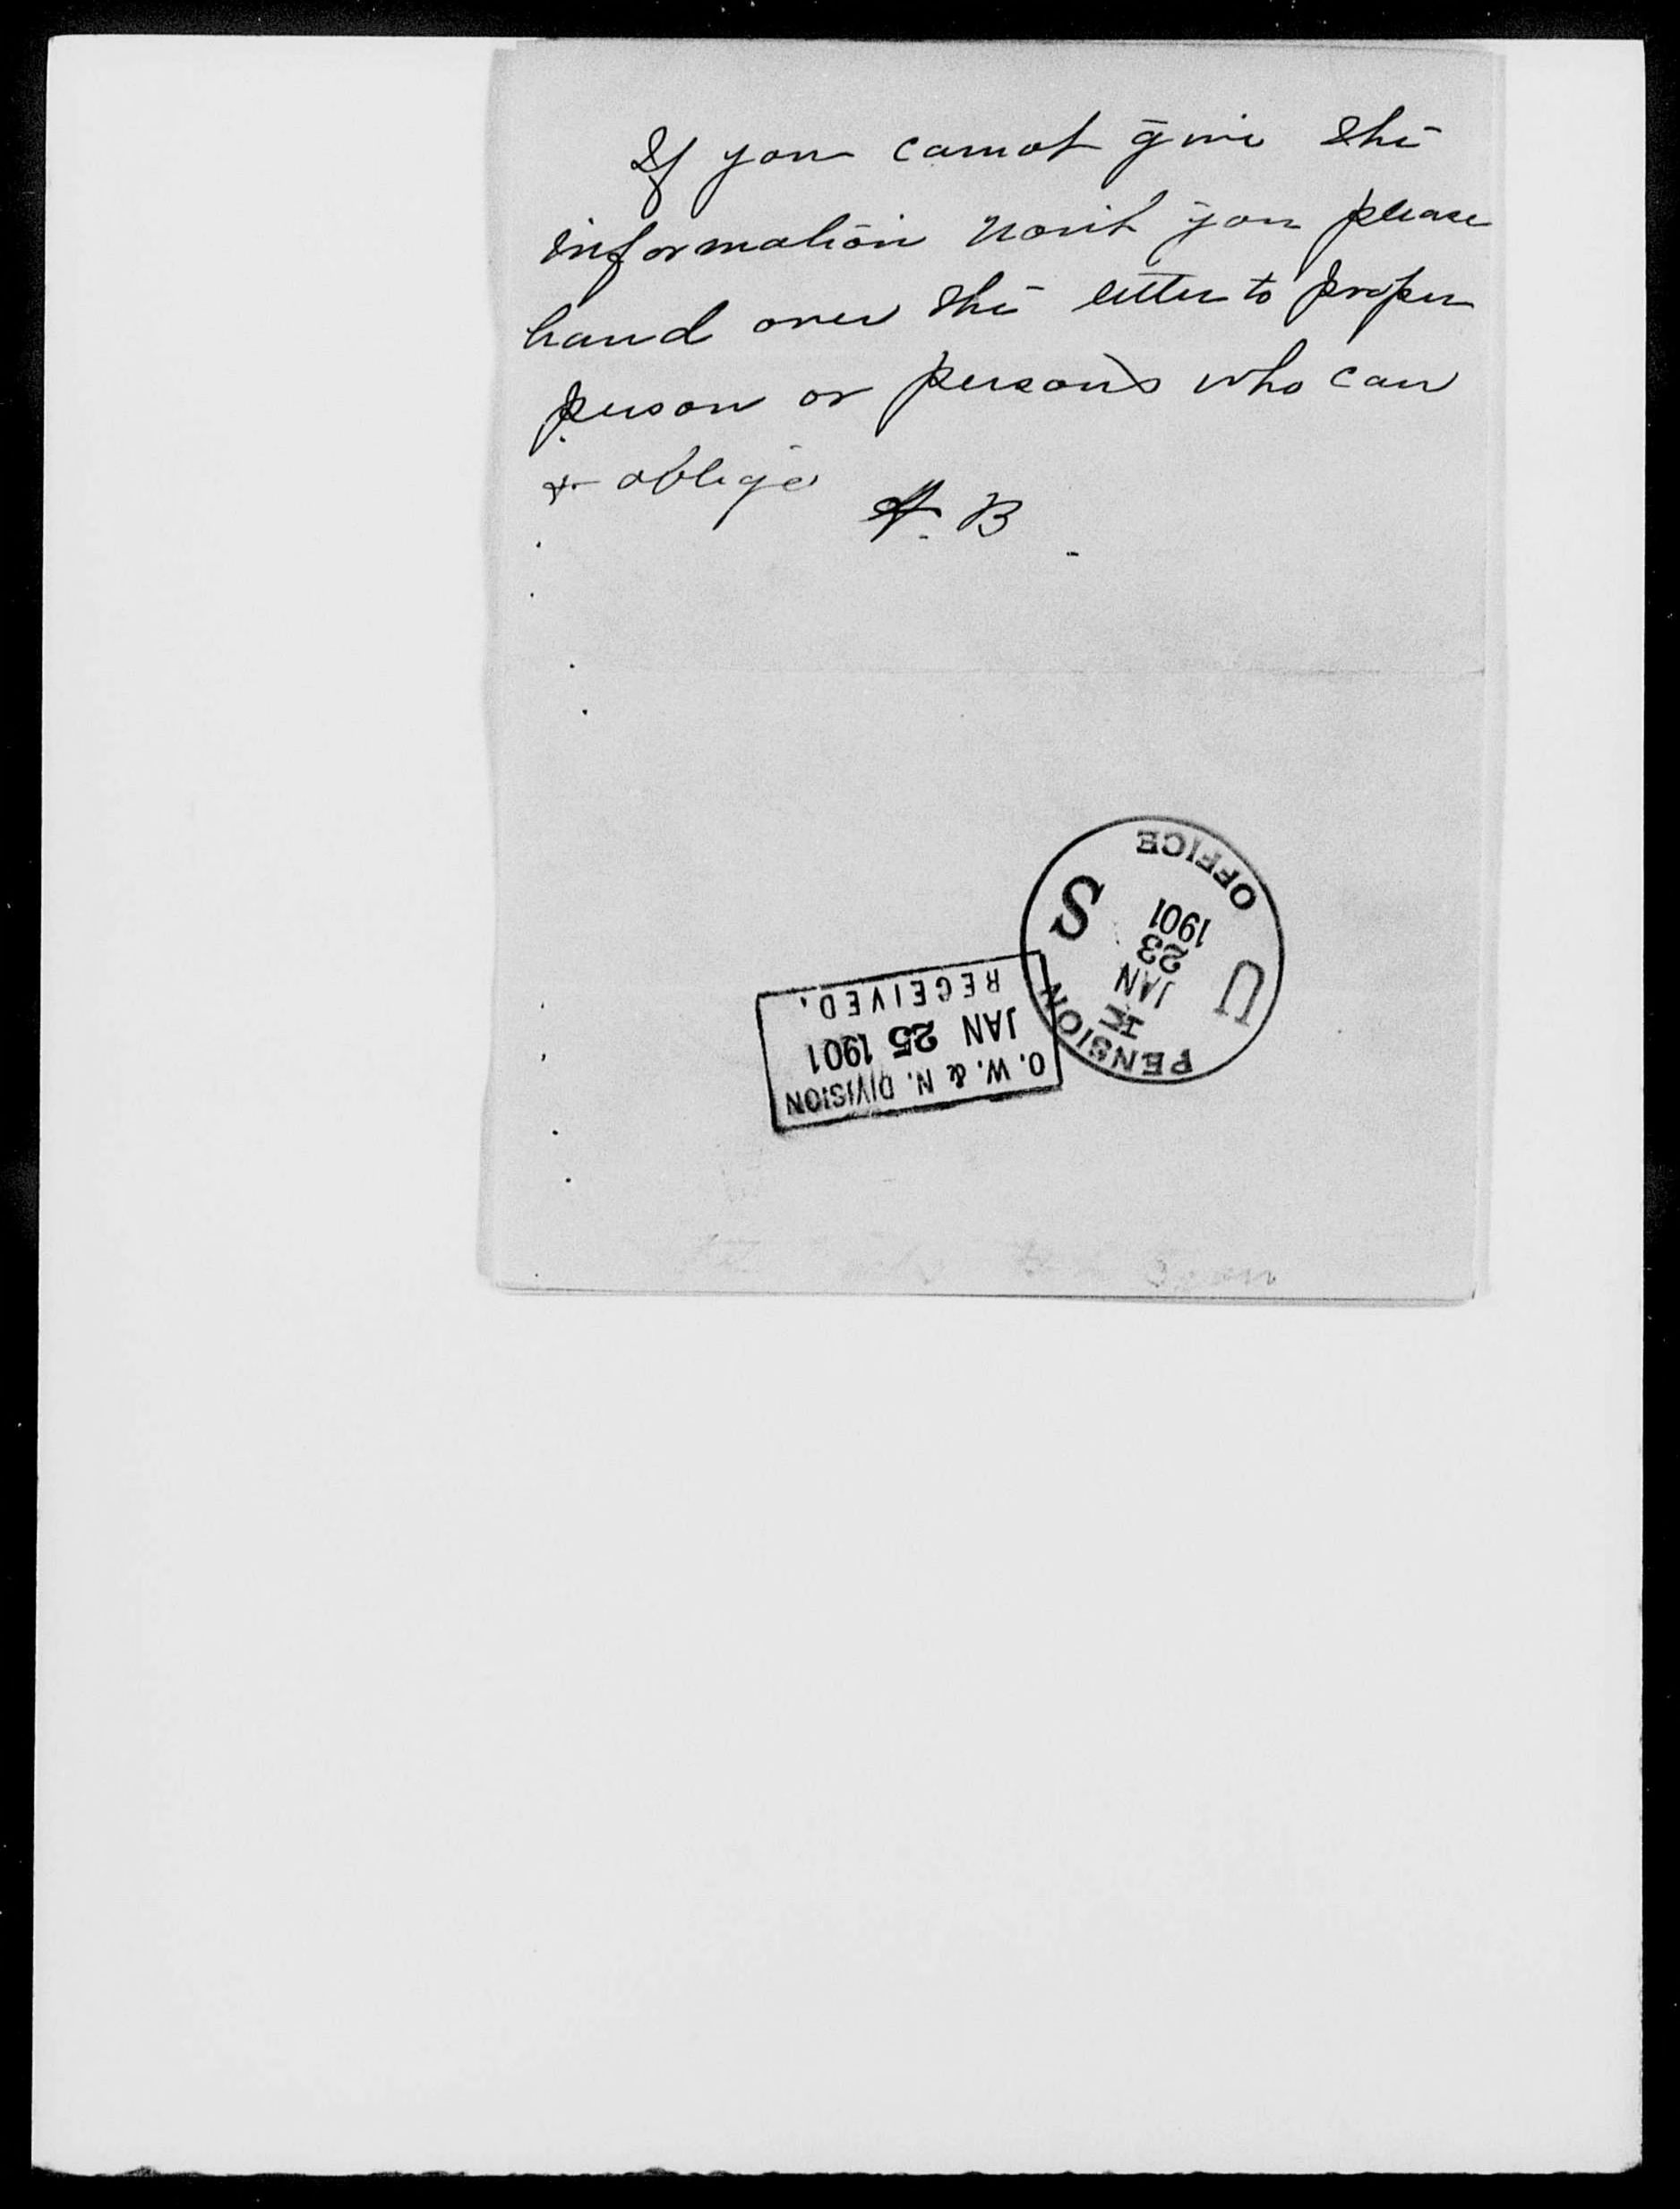If you cannot give the
information won't you please
hand over the letter to proper
person or persons who can
& oblige
AB
[STAMPS]
US PENSION OFFICE JAN 23 1901
ow&n division
Jan 25 1901 received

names: A B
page: 58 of 85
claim: widow's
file: W. 5,906, John Brown, S.C.